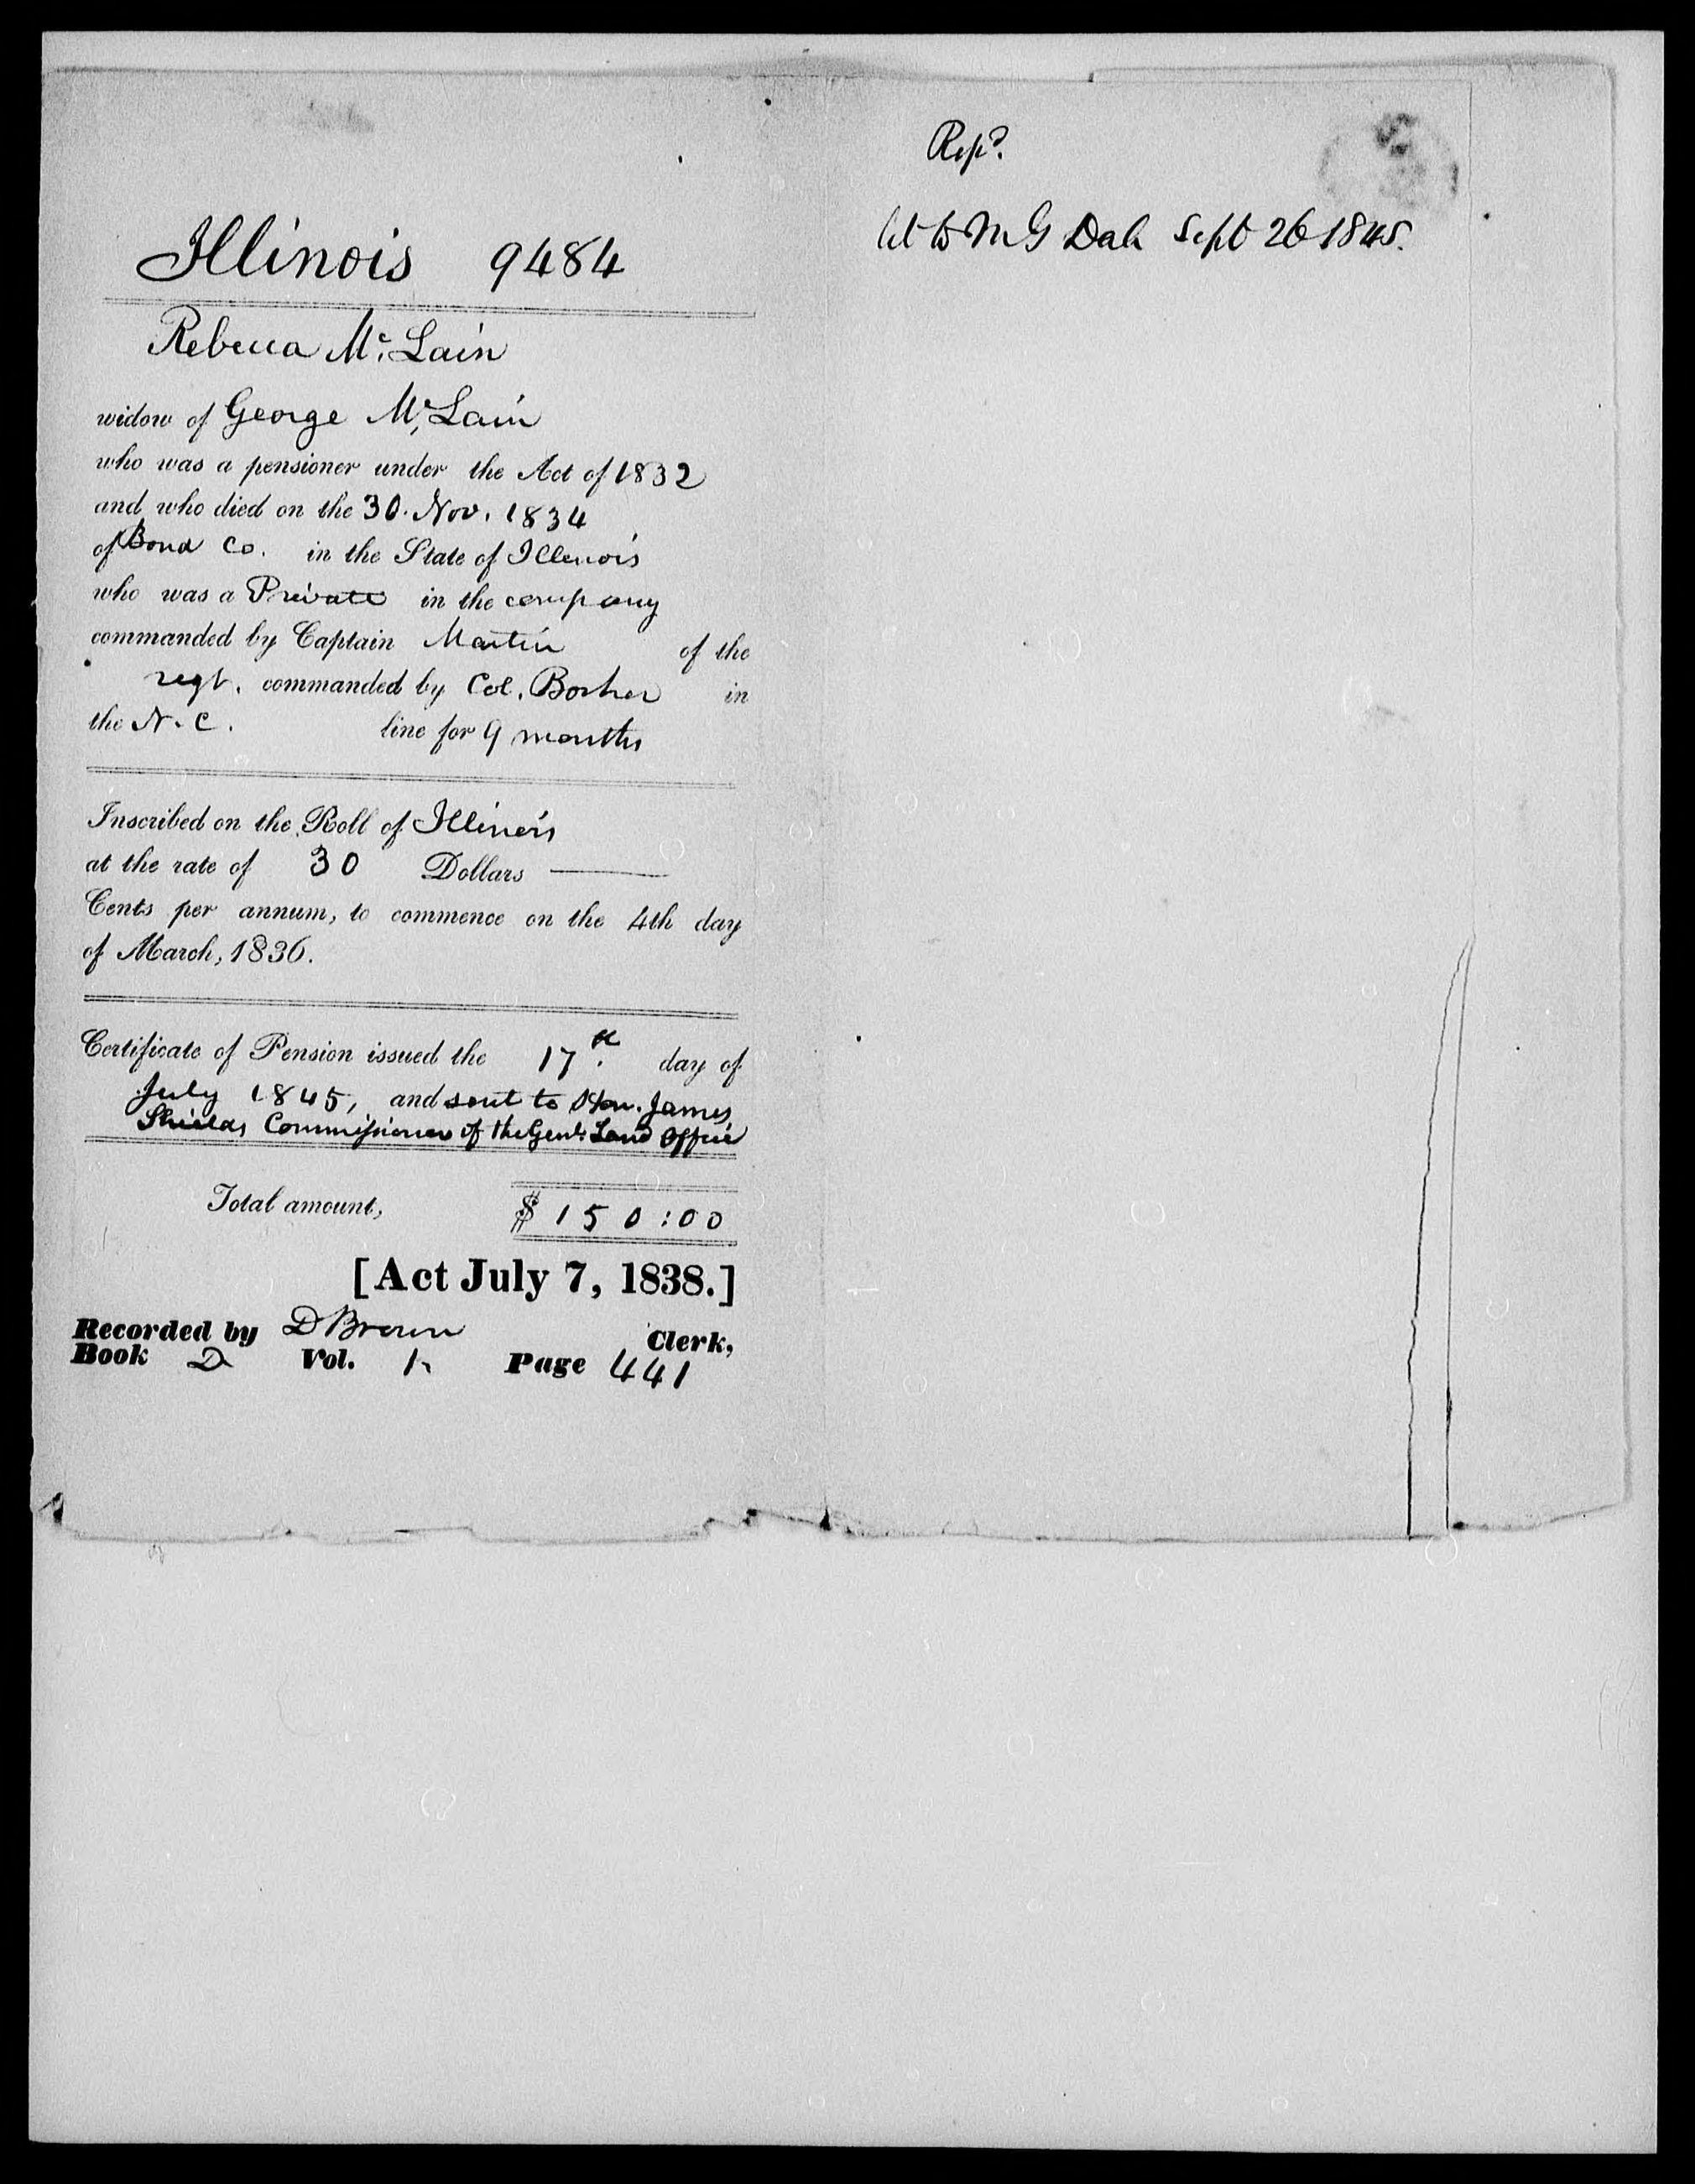[typed form, with handwritten responses]

[left side] 9484 Illinois 
Rebecca McLain widow of George McLain 
who was a pensioner under the Act of 1832 
and who died on the 30 Nov. 1834 of Bond Co. in the State of Illinois 
who was a Private in the company commanded by Captain Martin of the Regt. commanded by Col. Barber in the N.C. line for 9 months

Inscribed on the Roll of Illinois at the rate of 30 Dollars --- Cents per annum, to commence on the 4th day of March, 1836. 

Certificate of Pension issued the 17th day of July 1845, and sent to Hon. James Shields, Commissioner of the Genl Land Office

Total amount, $150.00 
(Act July 7, 1838.)

Recorded by D Brown Clerk,
Book D. Vol. 1 Page 441 

[right side] Repd [Reported] let [letter] to M G Dale Sept 26 1845.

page: 31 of 67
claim: widow's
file: W. 21793, for George Mc Lain, North Carolina